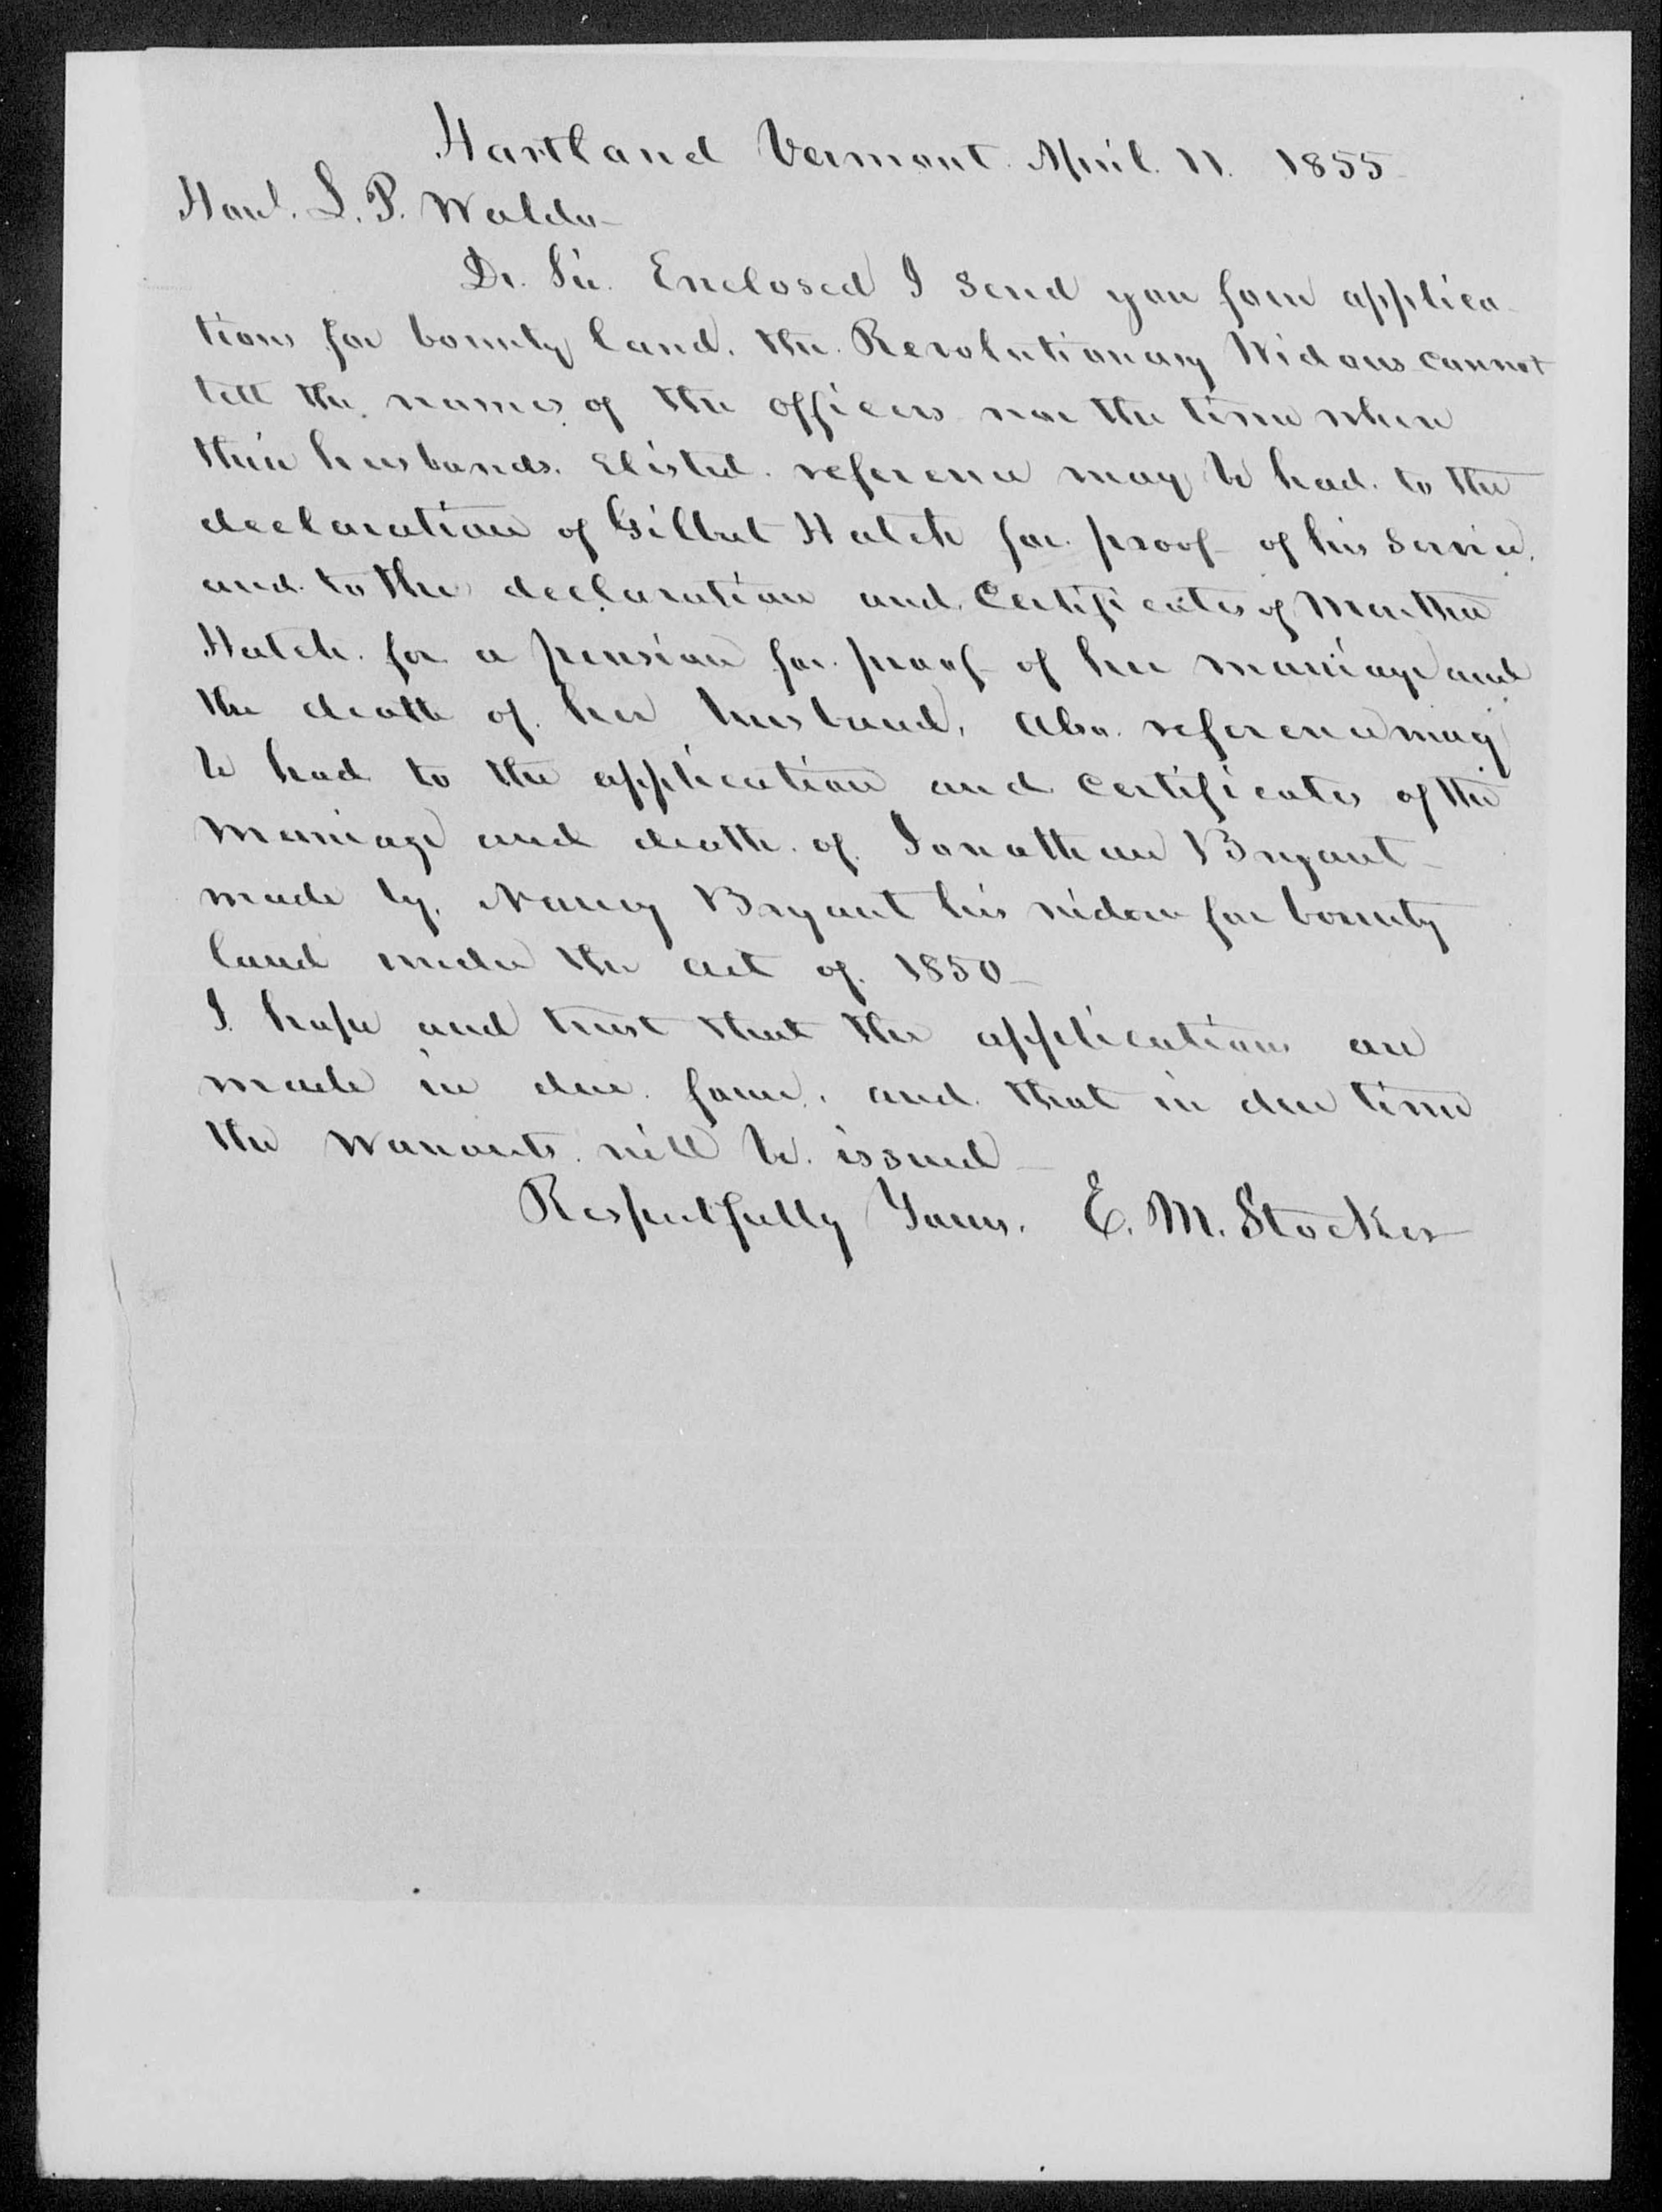Hartland Vermont April 11, 1855
Honl L. P. Waldo
Dr Sir Enclosed I send you four applications for bounty land, the Revolutionary Widow cannot tell the names of the officers nor the time when their husbands enlisted, reference may be had to the declarations of Gilbert Hatch for proof of his service and to the declaration and certificates of Martha Hatch, for a pension for proof of her marriage and the death of her husband. Also, reference may be had to the application and certificates of the marriage and death of Jonathan Bryant made by Nancy Bryant his widow for bounty land under the act of 1850.
I hope and trust that the applications all made in due form, and that in due time the warrants will be issued.
Respectfully yours,
E. M. Stocker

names: L P Waldo, Jonathan Bryant, Nancy Bryant, E M Stocker, Martha Hatch, Gilbert Hatch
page: 40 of 47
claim: widow's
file: W. 225, Gilbert Hatch, Conn.